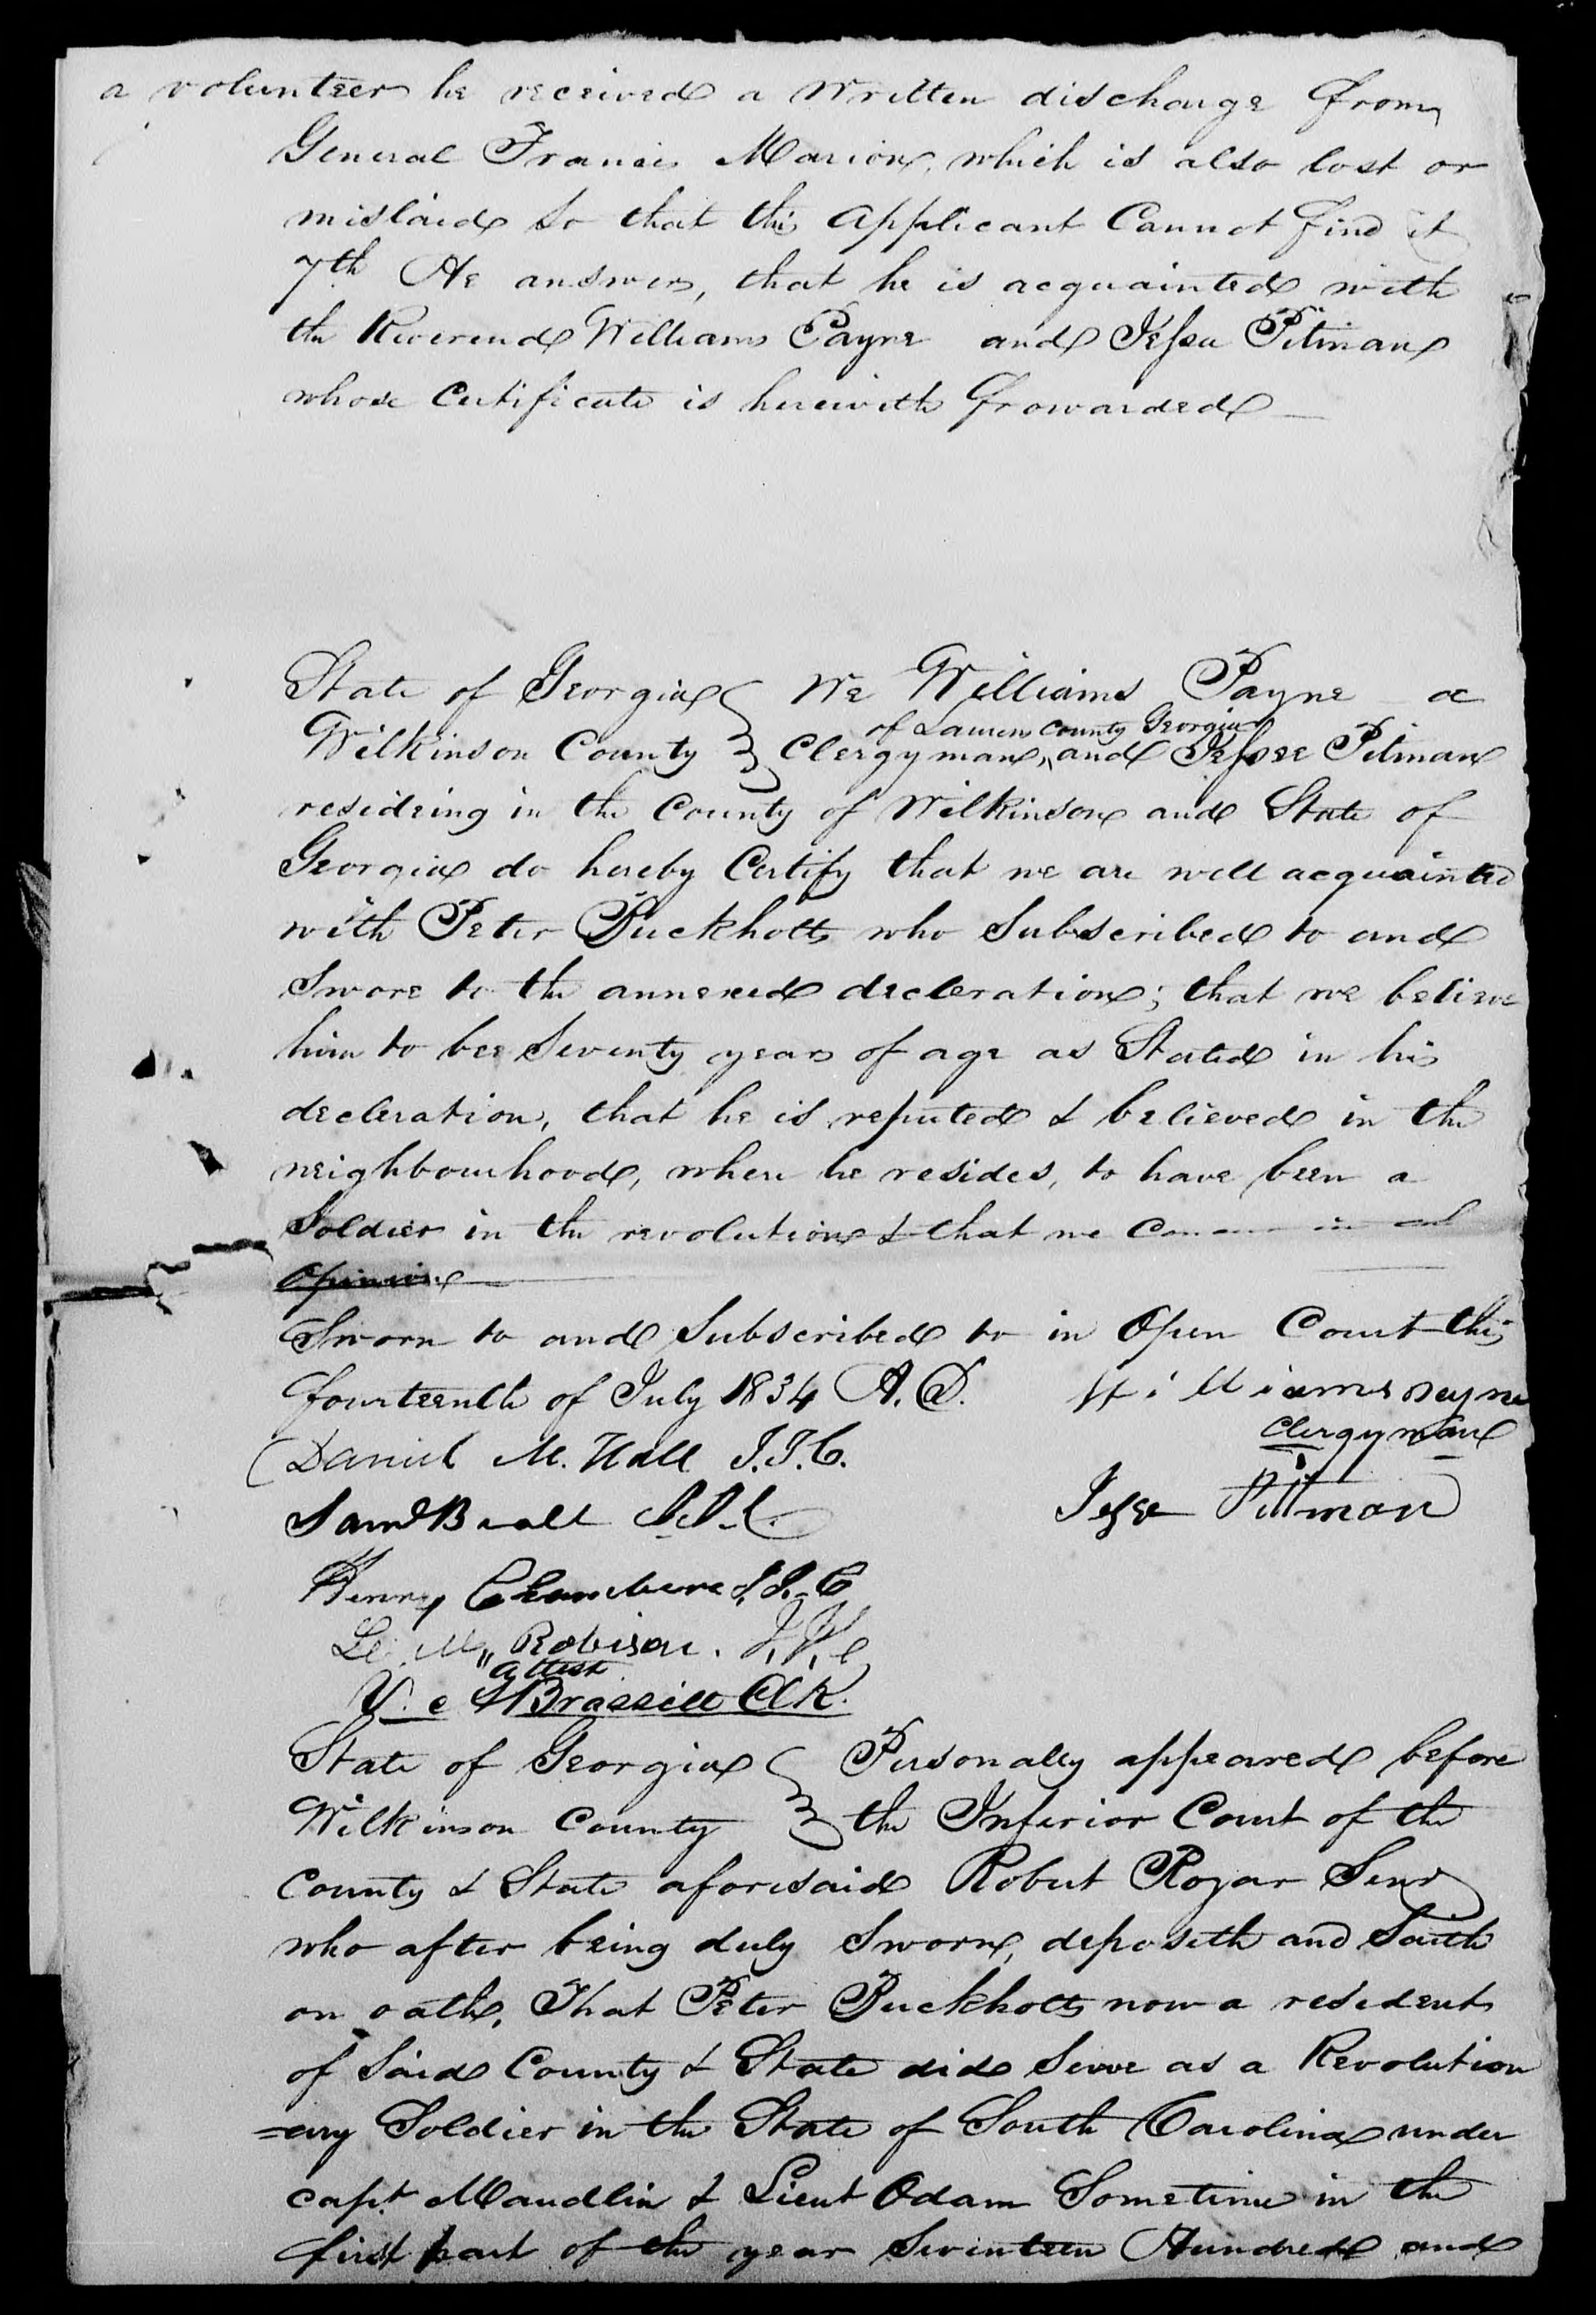a volunteer he received a written discharge from General Francis Marion, which is also lost or mislaid so that this applicant cannot find it
7th He answers, that he is acquainted with the Reverend Williams Payne and Jesse Pitman whose certificate is herewith forwarded

State of Georgia
Wilkinson County
We Williams Payne a clergyman of Lamens County Georgia and Jesse Pitman residing in the County of Wilkinson and State of Georgia do hereby certify that we are well acquainted with Peter Buckholts who subscribed to and Swore to the annexed declaration; that we believe him to be Seventy years of age as stated in his declaration, that he is reputed & believed in the neighbourhood, where he resides, to have been a Soldier in the revolution & that we concur in that opinion
Sworn to and subscribed to in Open Court this fourteenth of July 1834 Williams Payne clergyman
Jess Pittman
Daniel M. Hall J.J.C.
Saml Beall J.J.C.
Henry Chambers J.J.C.
L. M. Robison J.J.C.
attest
V. A. Brazzill Clk.

State of Georgia
Wilkinson County
Personally appeared before the Inferior Court of the County & State aforesaid Robert Rogar Senr .who after being duly sworn, deposeth and Saith on oath, That Peter Buckholts now a resident of said County & State did serve as a Revolutionary Soldier in the State of South Carolina under Capt. Mandlin & Lieut Odam Sometime in the first part of the year Seventeen Hundred and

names: Swinton, Daniel M Hall, Jessee Pitman, V A Brassill, Mandlin, Robert Rogar, Williams Payne, Williams Payne, Saml Beall, Odam, L M Robison, Williams Payne, Peter Buckholts, Peter Buckholts, Francis Marion, Henry Chambers, Jesse Pittman, Jessee Pitman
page: 10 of 23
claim: rejected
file: R. 1465, Peter Buckholts, S.C.